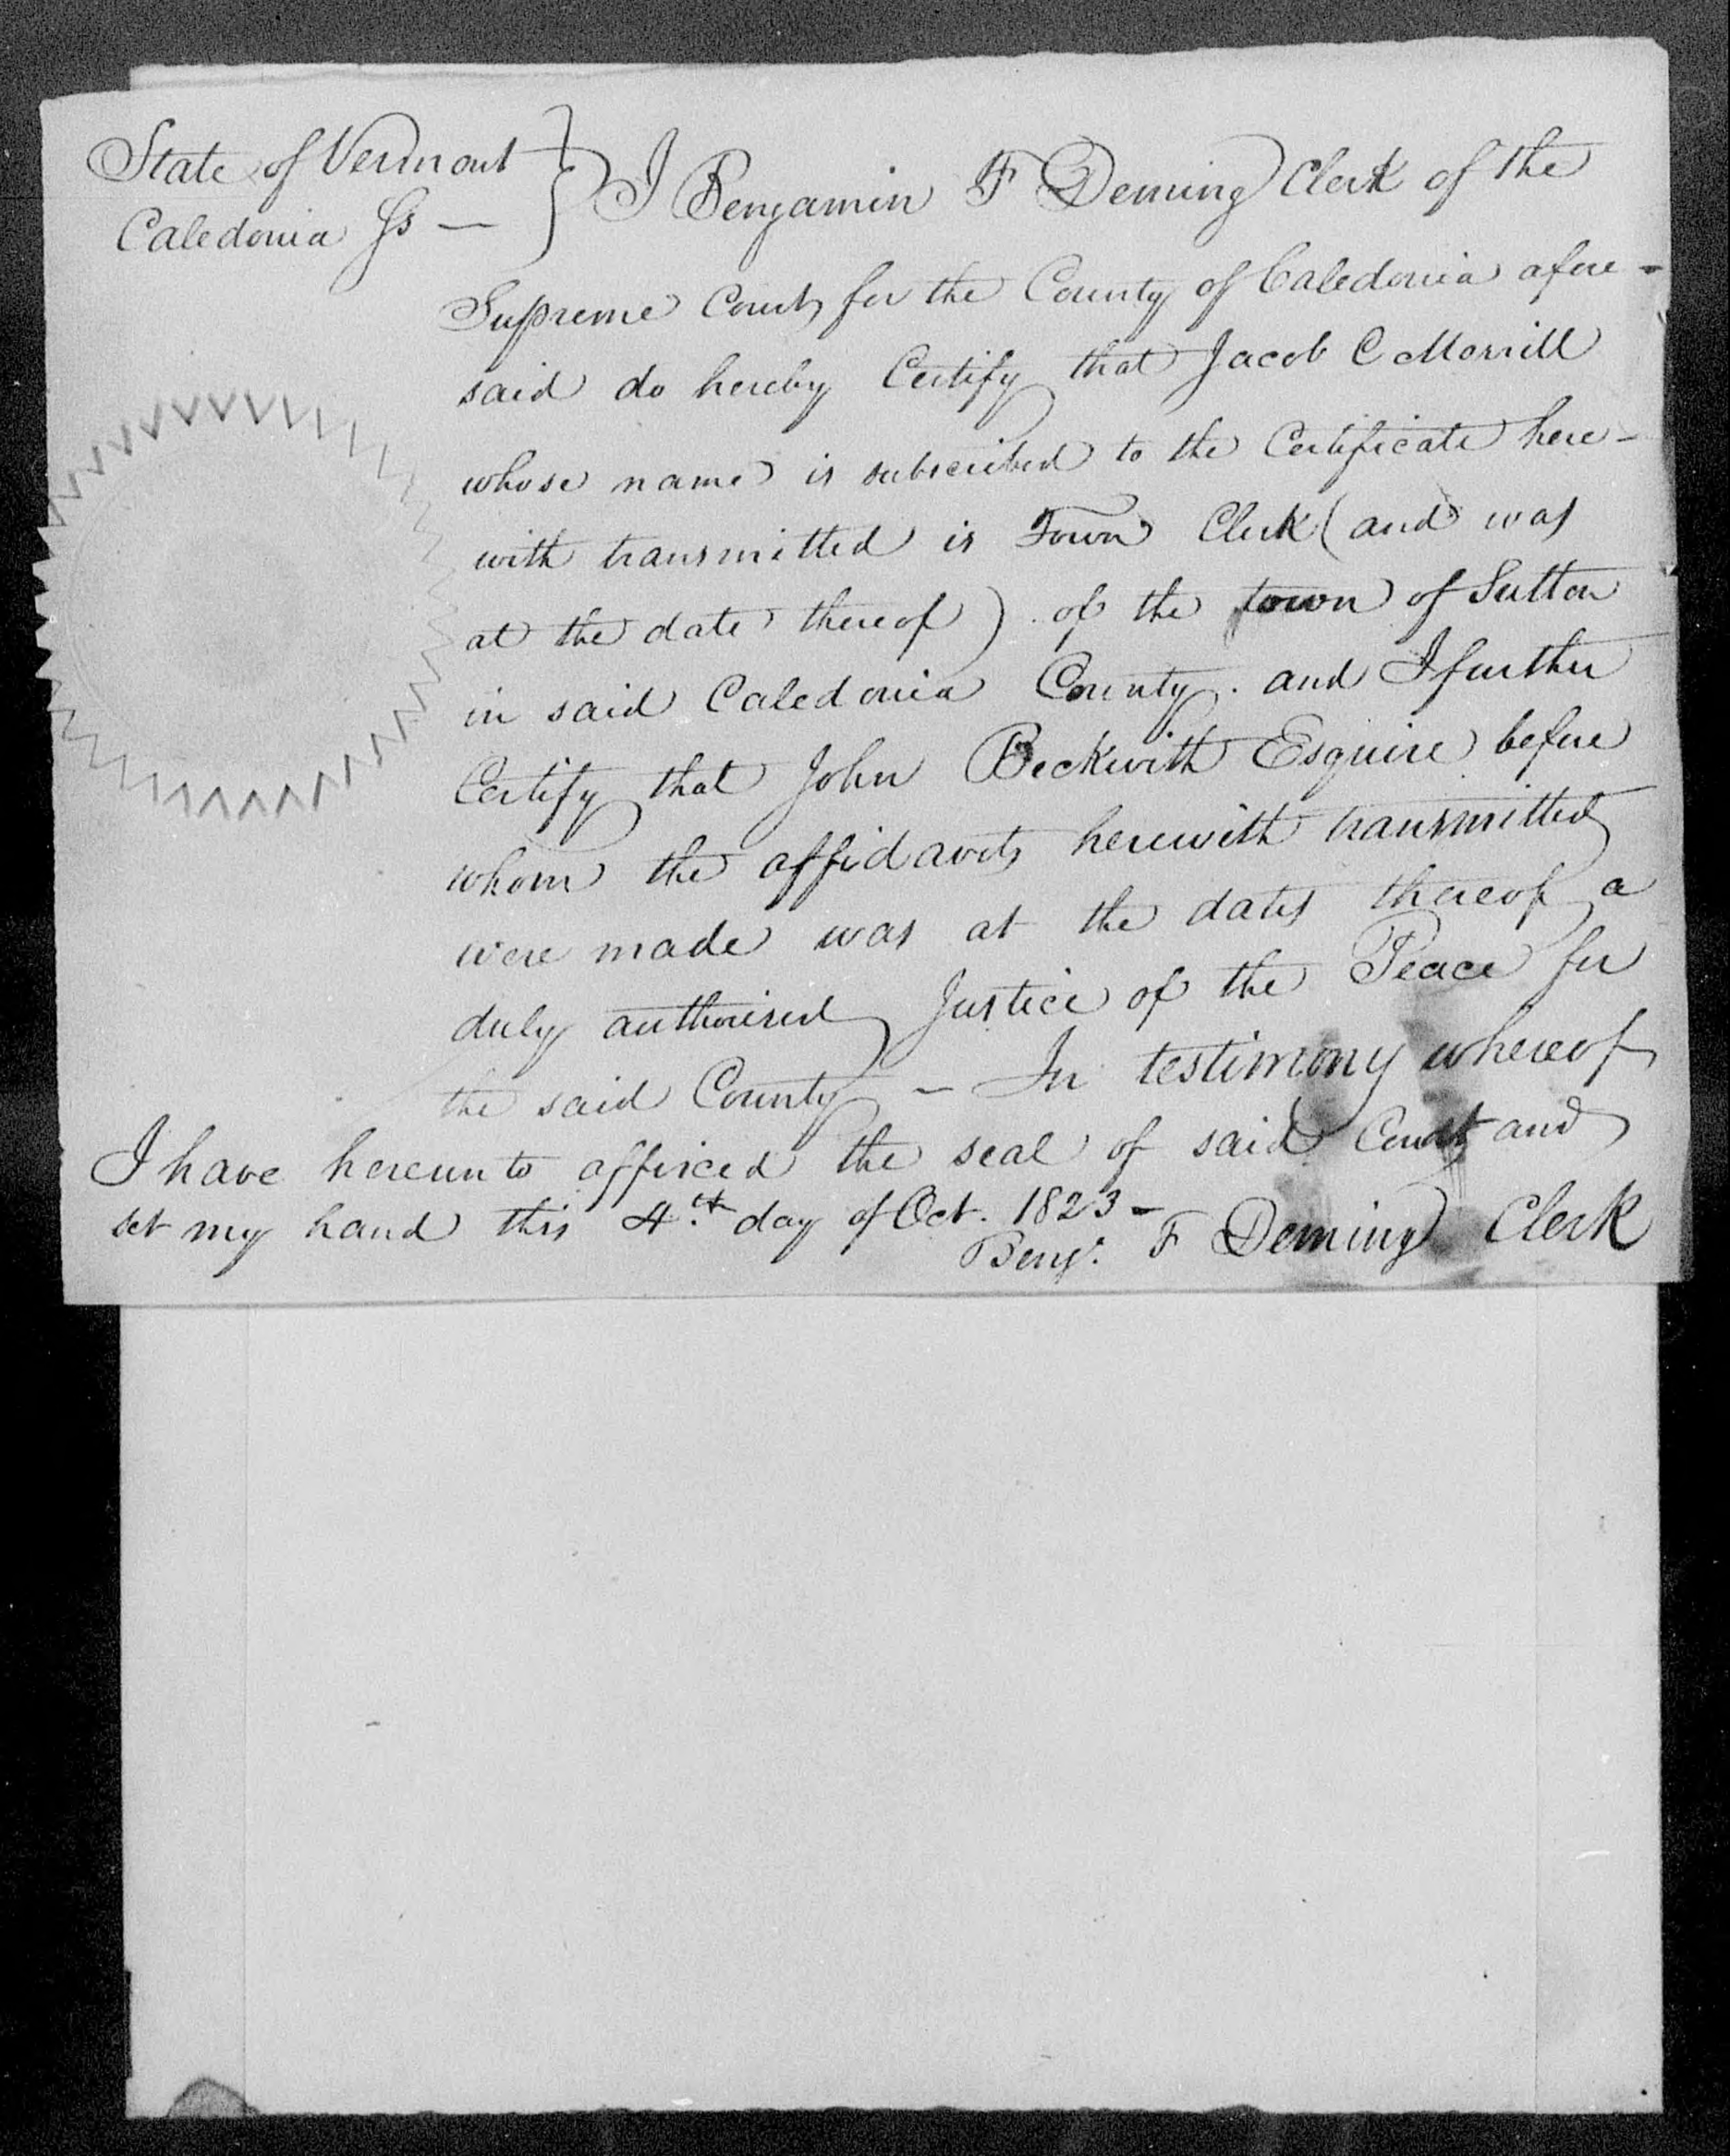State of Vermont}
Caledonian ss ~} I Benjamin F Deming clerk of the Supreme Court for the County of Caledonia aforesaid do hereby Certify that Jacob C Morrill
whose name is subscribed to the Certificate herewith transmitted is Town Clerk (and was
at the date thereof) of the town of Sutton in said Caledonia County, and I further Certify that John Beckwith Esquire before whom the affidavits herewith transmitted were made was at the date thereof a duly authorized Justice of the Peace for
the said County ~ In testimony whereof I hereunto affixed the seal of said Court and set my hand this 4th day of Oct. 1823 -
Benj. F Deming Clerk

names: John Beckwith, Jacob C Morrill, Benjamin F Deming, Benja F Deming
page: 21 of 67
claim: widow's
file: W. 23772, James Campbell, Continental Mass.